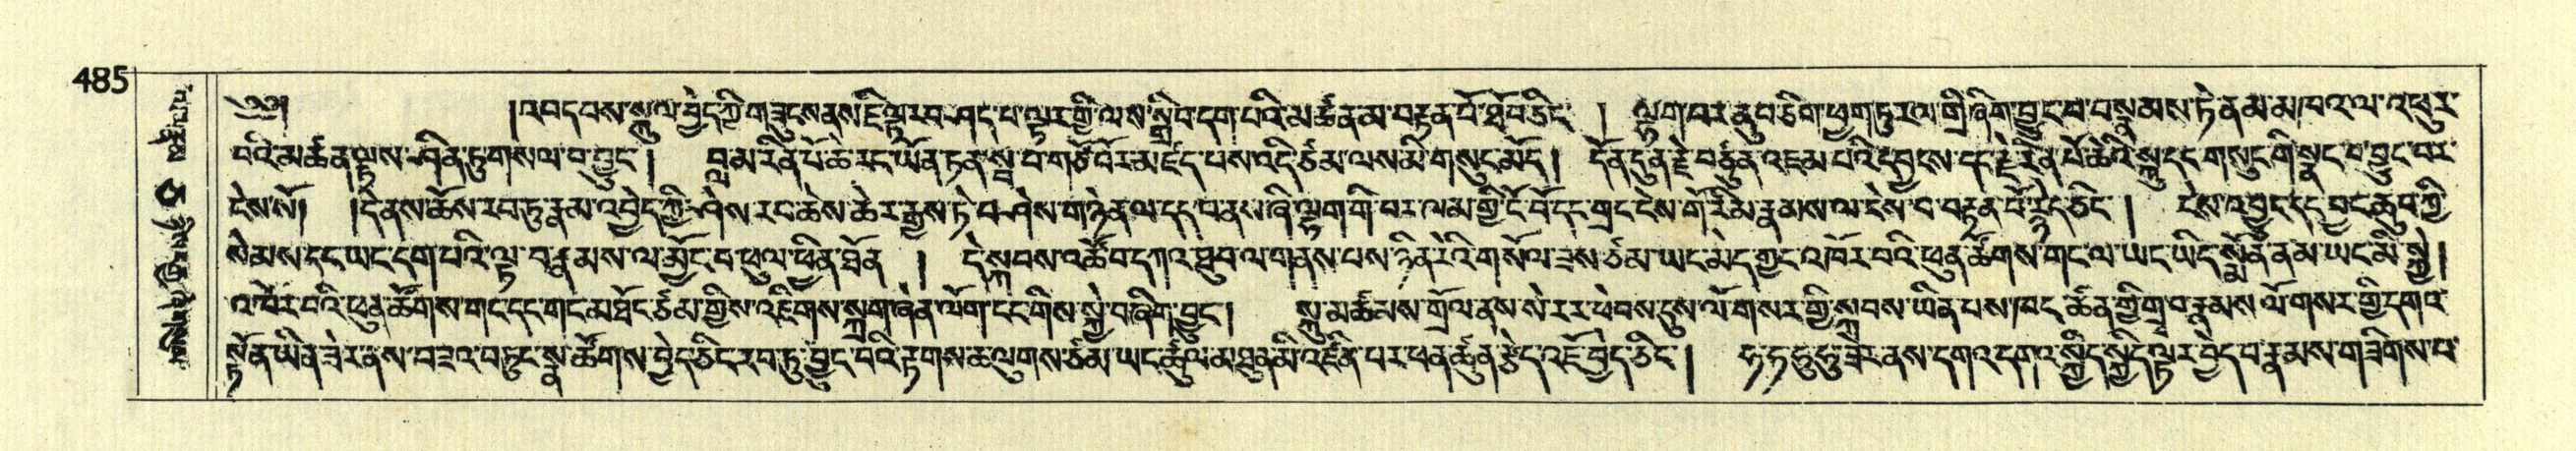༄༅། །འབད་པས་སྐུ་ལ་བྱེད་ཀྱི་གཟུངས་ནས་ཇི་ལྟར་བཤད་པ་ལྟར་གྱི་ལས་སྒྲིབ་དག་པའི་མཚན་མ་བརྟན་བོ་ཐོབ་ཅིང་། ལྷག་བར་ནུབ་ཅིག་ཕྱག་ཏུ་རལ་གྲི་ཞིག་བྱུང་བ་བསྣམས་ཏེ་ནམ་མཁའ་ལ་འཕུར་
བའི་མཚན་ལྟས་ཤིན་ཏུ་གསལ་བ་བྱུང་། བླ་མ་རིན་པོ་ཆེ་རང་ཡོན་ཏན་སྦ་བ་གཙོ་བོར་མཛད་པས་འདི་ཙམ་ལས་མི་གསུང་མོད། དོན་དུ་ན་རྗེ་བཙུན་འཇམ་པའི་དབྱངས་དང་རྗེ་རིན་པོ་ཆེའི་སྐུ་དང་གསུང་གི་སྣང་བ་བྱུང་བར་
ངེས་སོ། །དེ་ནས་ཆོས་རབ་ཏུ་རྣམ་འབྱེད་ཀྱི་ཤེས་རབ་ཆེས་ཆེར་རྒྱས་ཏེ་བཤེས་གཉེན་ལ་དད་པ་ནས་ཞི་ལྷག་གི་བར་ལམ་གྱི་ངོ་བོ་དང་གྲང་ངེས་གོ་རིམ་རྣམས་ལ་ངེས་བ་བརྟན་པོ་རྙེད་ཅིང་། ངེས་འབྱུང་དང་བྱང་ཆུབ་ཀྱི་
སེམས་དང་ཡང་དག་པའི་ལྟ་བ་རྣམས་ལ་མྱོང་བ་ཕུལ་ཕྱིན་ཐོན། དེ་སྐབས་འཚོ་བ་དཀའ་ཐུབ་ལ་གནས་པས་ཉིན་རེའི་གསོལ་ཟས་ཙམ་ཡང་མེད་ཀྱང་འཁོར་བའི་ཕུན་ཚོགས་གང་ལ་ཡང་ཡིད་སྨོན་ནམ་ཡང་མི་སྐྱེ།
འཁོར་བའི་ཕུན་ཚོགས་གང་དང་གང་མཐོང་ཙམ་གྱིས་འཇིགས་སྐྲག་ཞེན་ལོག་ངང་གིས་སྐྱེ་བ་ཞིག་བྱུང་། སྐུ་མཚམས་གྲོལ་ནས་སེ་རར་ཕེབས་དུས་ལོ་གསར་གྱི་སྐབས་ཡིན་པས་ཁང་ཚན་གྱི་གྲྭ་བ་རྣམས་ལོ་གསར་གྱི་དགའ་
སྟོན་ཡིན་ཟེར་ནས་བཟའ་བཏུང་སྣ་ཚོགས་བྱེད་ཅིང་རབ་ཏུ་བྱུང་བའི་རྟགས་ཆ་ལུགས་ཙམ་ཡང་ཚུལ་མཐུན་མི་འཛིན་པར་ཕན་ཚུན་རྩེད་འཇོ་བྱེད་ཅིང་། ཧ་ཧ་ཧུ་ཧུ་ཟེར་ནས་དགའ་དགའ་སྐྱིད་སྐྱིད་ལྟར་བྱེད་པ་རྣམས་གཟིགས་བ་